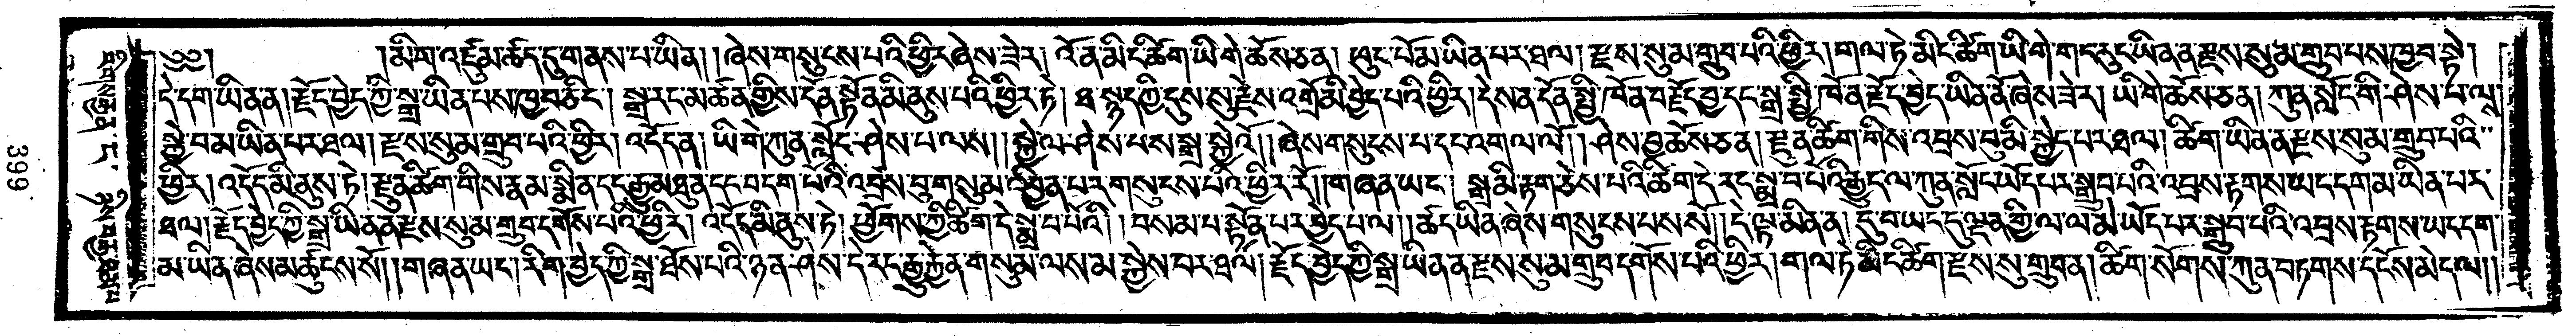༄༅། །མིག་འཛུམ་ཚད་དུ་གནས་པ་ཡིན། །ཞེས་གསུངས་པའི་ཕྱིར་ཞེས་ཟེར། འོ་ན་མིང་ཚིག་ཡི་གེ་ཆོས་ཅན། ཕུང་པོ་མ་ཡིན་པར་ཐལ། རྫས་སུ་མ་གྲུབ་པའི་ཕྱིར། གལ་ཏེ་མིང་ཚིག་ཡི་གེ་གང་རུང་ཡིན་ན་རྫས་སུ་མ་གྲུབ་པས་ཁྱབ་སྟེ།
དེ་དག་ཡིན་ན། རྗོད་བྱེད་ཀྱི་སྒྲ་ཡིན་པས་ཁྱབ་ཅིང་། སྒྲ་རང་མཚན་གྱིས་དོན་སྟོན་མི་ནུས་པའི་ཕྱིར་ཏེ། ཐ་སྙད་ཀྱི་དུས་སུ་རྗེས་འགྲོ་མི་བྱེད་པའི་ཕྱིར། དེས་ན་དོན་སྤྱི་ཁོ་ན་བརྗོད་བྱ་དང་སྒྲ་སྤྱི་ཁོ་ན་རྗོད་བྱེད་ཡིན་ནོ་ཞེས་ཟེར། ཡི་གེ་ཆོས་ཅན། ཀུན་སློང་གི་ཤེས་པ་ལས་
སྐྱེ་བ་མ་ཡིན་པར་ཐལ། རྫས་སུ་མ་གྲུབ་པའི་ཕྱིར། འདོད་ན། ཡི་གེ་ཀུན་སློང་ཤེས་པ་ལས། །སྐྱེ་ལ་ཤེས་པས་སྒྲ་སྐྱེའོ། །ཞེས་གསུངས་པ་དང་འགལ་ལོ། །ཤེས་བྱ་ཆོས་ཅན། རྫུན་ཚིག་གིས་འབྲས་བུ་མི་སྐྱེད་པར་ཐལ། ཚིག་ཡིན་ན་རྫས་སུ་མ་གྲུབ་པའི་
ཕྱིར། འདོད་མི་ནུས་ཏེ། རྫུན་ཚིག་གིས་རྣམ་སྨིན་དང་རྒྱུ་མཐུན་དང་བདག་པོའི་འབྲས་བུ་གསུམ་འབྱིན་པར་གསུངས་པའི་ཕྱིར་རོ། །གཞན་ཡང་། སྒྲ་མི་རྟག་ཅེས་པའི་ཚིག་དེ་རང་སྨྲ་བ་པོའི་རྒྱུད་ལ་ཀུན་སློང་ཡོད་པར་སྒྲུབ་པའི་འབྲས་རྟགས་ཡང་དག་མ་ཡིན་པར་
ཐལ། རྗོད་བྱེད་ཀྱི་སྒྲ་ཡིན་ན་རྫས་སུ་མ་གྲུབ་དགོས་པའི་ཕྱིར། འདོད་མི་ནུས་ཏེ། ཕྱོགས་ཀྱི་ཚིག་དེ་སྨྲ་བ་པོའི། བསམ་པ་སྟོན་པར་བྱེད་པ་ལ། །ཚད་ཡིན་ཞེས་གསུངས་པས་སོ། །དེ་ལྟ་མིན་ན། དུ་བ་ཡང་དུ་ལྡན་གྱི་ལ་ལ་མེ་ཡོད་པར་སྒྲུབ་པའི་འབྲས་རྟགས་ཡང་དག་
མ་ཡིན་ཞེས་མཚུངས་སོ། །གཞན་ཡང་། རིག་བྱེད་ཀྱི་སྒྲ་ཐོས་པའི་ཉན་ཤེས་དེ་རང་རྒྱུ་རྐྱེན་གསུམ་ལས་མ་སྐྱེས་པར་ཐལ། རྗོད་བྱེད་ཀྱི་སྒྲ་ཡིན་ན་རྫས་སུ་མ་གྲུབ་དགོས་པའི་ཕྱིར། གལ་ཏེ་མིང་ཚིག་རྫས་སུ་གྲུབ་ན། ཚིག་སོགས་ཀུན་བཏགས་དངོས་མེད་ལ། །